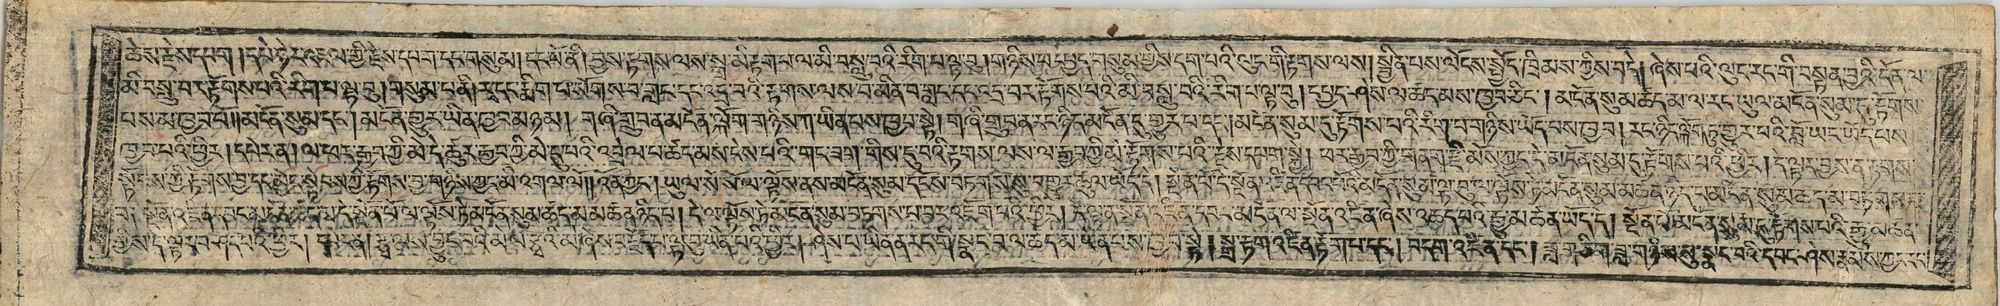ཆེས་རྗེས་དཔག །དཔེ་ཉེར་འཇལ་གྱི་རྗེས་དཔག་དང་གསུམ། དང་པོ་ནི། བྱས་རྟགས་ལས་སྒྲ་མི་རྟག་པ་ལ་མི་བསླུ་བའི་རིག་པ་ལྟ་བུ། གཉིས་པ་དཔྱད་གསུམ་གྱིས་དག་པའི་ལུང་གི་རྟགས་ལས། སྦྱིན་པས་ལོངས་སྤྱོད་ཁྲིམས་ཀྱིས་བདེ། ཞེས་པའི་ལུང་རང་གི་བསྟན་བྱའི་དོན་ལ་
མི་བསླུ་བར་རྟོགས་པའི་རིག་པ་ལྟ་བུ། གསུམ་པ་ནི། རྭ་དང་རྨིག་པ་སོགས་བ་གླང་དང་འདྲ་བའི་རྟགས་ལས་བ་མིན་བ་གླང་དང་འདྲ་བར་རྟོགས་པའི་མི་བསླུ་བའི་རིག་པ་ལྟ་བུ། དཔྱད་ཤེས་ལ་ཚད་མས་ཁྱབ་ཅིང་། མངོན་སུམ་ཚད་མ་ལ་རང་ཡུལ་མངོན་སུམ་དུ་རྟོགས་
པས་མ་ཁྱབ་བོ། །མངོན་སུམ་དང་། མངོན་གྱུར་ཡིན་ཁྱབ་མཉམ། གཞི་གྲུབ་ན་མངོན་ལྐོག་གཉིས་ཀ་ཡིན་པས་ཁྱབ་སྟེ། གཞི་གྲུབ་ན་རང་ཉིད་མངོན་དུ་གྱུར་པ་དང་། མངོན་སུམ་དུ་རྟོགས་པའི་རིག་པ་གཉིས་ཡོད་པས་ཁྱབ། རང་ཉིད་ལྐོག་ཏུ་གྱུར་བའི་བློ་ཡང་ཡོད་པས་
ཁྱབ་པའི་ཕྱིར། དཔེར་ན། ལ་ཕར་རྒྱབ་ཀྱི་མེ་དེ་ཚུར་རྒྱབ་ཀྱི་མེ་དུ་བའི་འབྲེལ་པ་ཚད་མས་ངེས་པའི་གང་ཟག་གིས་དུ་བའི་རྟགས་ལས་ལ་རྒྱབ་ཀྱི་མེ་རྟོགས་པའི་རྗེས་དཔག་སྐྱེ། ཕར་རྒྱབ་ཀྱི་གནག་རྫི་མོས་ཀྱང་དེ་མངོན་སུམ་དུ་རྟོགས་པའི་ཕྱིར། དེ་ལྟར་བྱས་ན་རྟགས་
སྟོབས་ཀྱི་རྟོགས་བྱ་དང་མྱོང་སྟོབས་ཀྱི་རྟོགས་བྱ་གཉིས་ཀྱང་མི་འགལ་ལོ། །འོན་ཀྱང་། ཡུལ་སོ་སོ་ལ་ལྟོས་ནས་མངོན་སུམ་དངོས་བཏགས་སུ་བགྱུརྪུལ་ཡོད་དེ། སྔོན་པོ་དེ་སྔོན་འཛིན་དབང་པོའི་མངོན་སུམ་ལྟ་བུ་ལ་ལྟོས་ཏེ་མངོན་སུམ་མཚན་ཉིད་པ་མངོན་སུམ་ཚད་མ་བཏགས་པ་
བ༑ སྔོན་འཛིན་དབང་མངོན་ཚད་མ་དེ་སྔོན་པོ་ལ་ལྟོས་ཏེ་མངོན་སུམ་ཚད་མ་མཚན་ཉིད་པ། དེ་ལ་ལྟོས་ཏེ་མངོན་སུམ་བཏགས་པ་བར་འཇོག་པའི་ཕྱིར། དེ་ལྟ་ན་སྔོན་འཛིན་དབང་མངོན་ལ་སྔོན་འཛིན་ཞེས་འཆད་པའི་རྒྱུ་མཚན་ཡོད་དེ། སྔོན་པོ་མངོན་སུམ་དུ་རྟོགས་པའི་རྒྱུ་མཚན་
གྱིས་དེ་ལྟར་བཤད་པའི་ཕྱིར། དཔེར་ན། རྩྭ་ལས་བྱུང་བའི་མེ་ལ་རྩྭའི་མེ་ཞེས་བརྗོད་པ་ལྟ་བུ་ཡིན་པའི་ཕྱིར། ཤེས་པ་ཡིན་ན་རང་གི་སྣང་བ་ལ་ཚད་མ་ཡིན་པས་ཁྱབ་སྟེ། སྒྲ་རྟག་འཛིན་རྟོག་པ་དང་། བདག་འཛིན་དང་། ཟླ་གཅིག་ཟླ་གཉིས་སུ་སྣང་བའི་དབང་ཤེས་རྣམས་ཀྱང་རང་